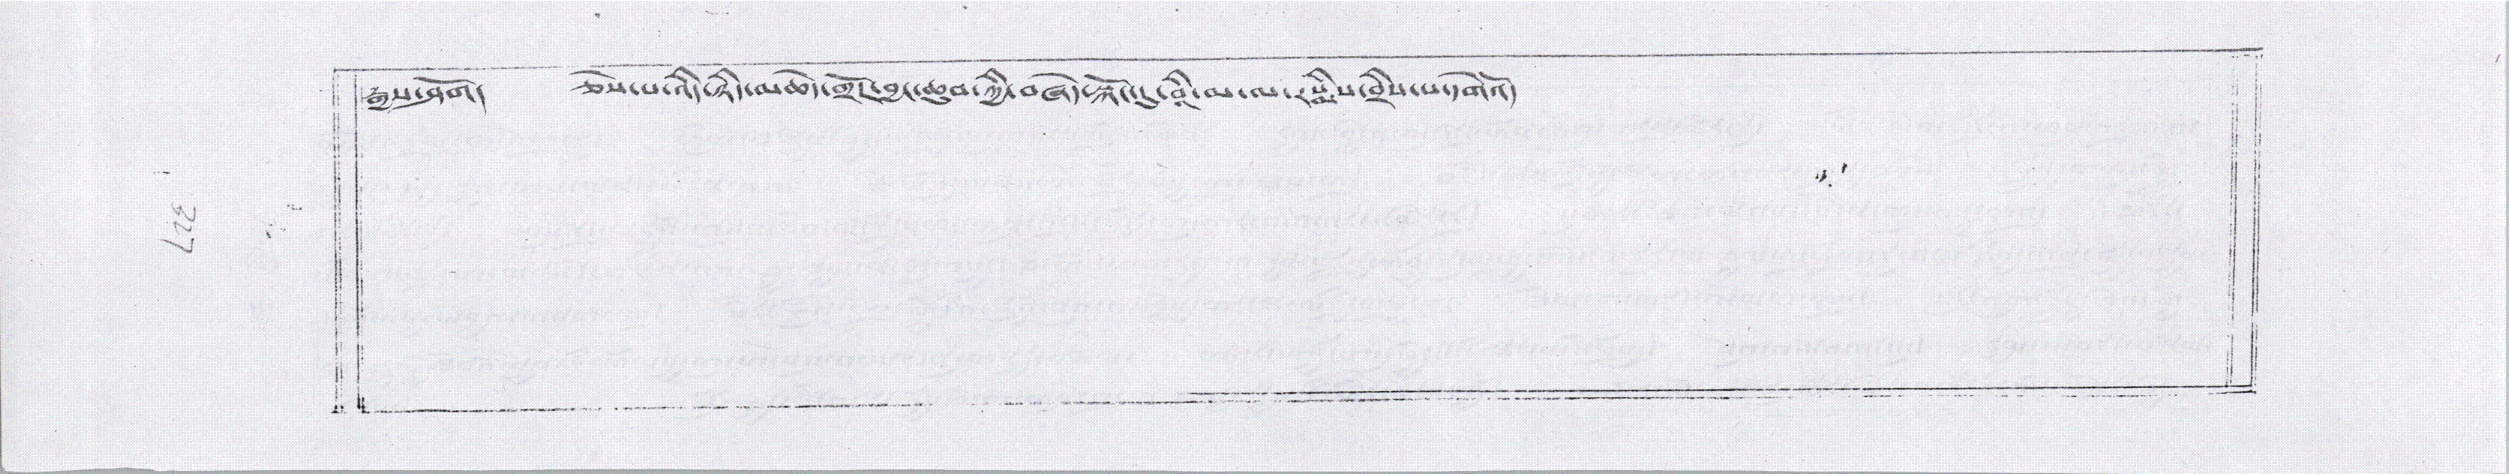རྒྱས་ཤོག ཅེས་པ་འདི་ཉིད་མཆེད་གྲོགས་བྱང་ཆུབ་ཀྱི་བཞེད་སྐོང་དུ་བཱི་མ་ལ་རསྨིས་བྲིས་པ་དགེའོ།